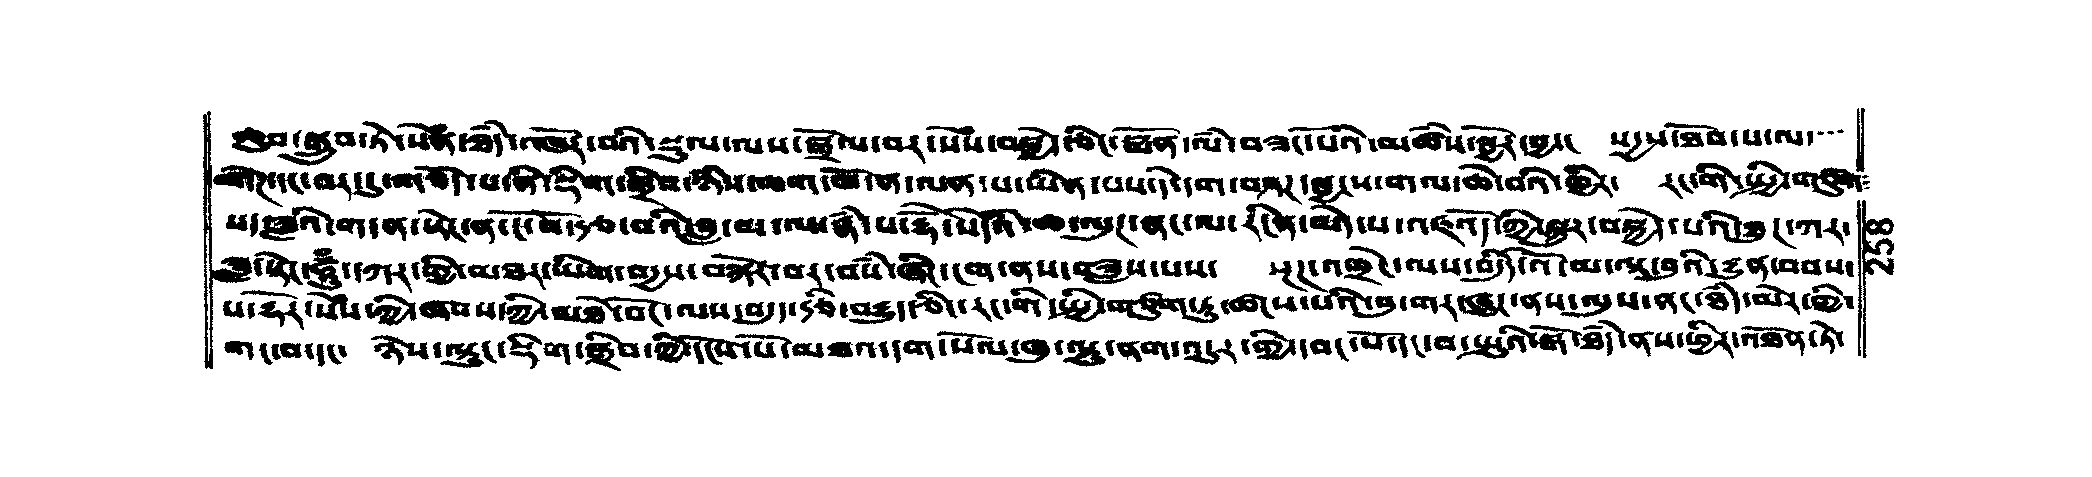ཆུབ་བསྒྲུབ་ཏེ་སེམས་ཅན་ཐམས་ཅད་འཁོར་བའི་སྡུག་བསྔལ་ལས་སྒྲོལ་བར་སེམས་བསྐྱེད་ཅིང་སྨོན་ལམ་བཟང་པོའི་མཚམས་སྦྱོར་བྱ། སངས་རྒྱས་ཐོབ་པ་ལ་
གེགས་དང་བར་དུ་གཅོད་པ་ནི་སྡིག་སྒྲིབ་ཉམས་ཆག་ཁོ་ནས་ལན་པ་ཡིན་པས་དེ་དག་བཤགས་སྦྱངས་གལ་ཆེ་བའི་ཕྱིར། རང་གི་སྤྱི་གཙུག་
པད་ཟླའི་གདན་སྟེང་ན་ངོ་བོ་རྩ་བའི་བླ་མ་ལ་རྣམ་པ་རྡོ་རྗེ་སེམས་དཔའི་ཆ་ལུགས་སྣང་ལ་རང་བཞིན་མེད་པ་འཇའ་འོད་ཀྱི་སྐུར་བསྐྱེད་པའི་ཐུགས་ཀར་
ཟླ་སྟེང་ཧཱུྃ་དཀར་གྱི་མཐར་ཡིག་བརྒྱས་བསྐོར་བར་བསམ་ཞིང་ངག་ནས་བཟླས་པས། སྔགས་འཕྲེང་ལས་བདུད་རྩི་འོ་མ་ལྟ་བུའི་རྒྱུན་བབས་
པ་རྡོར་སེམས་ཀྱི་ཞབས་ཀྱི་མཐེ་བོང་ལས་བདུད་རྩི་བརྒྱུད་ཅིང་རང་གི་སྤྱི་གཙུག་ཏུ་ཚངས་པའི་བུ་གར་ཞུགས་ནས་ལུས་ཐམས་ཅད་མེར་གྱི་
གང་བ་དང་། ཉེས་ལྟུང་སྡིག་སྒྲིབ་ཀྱི་དངོས་པོ་མཐའ་དག་སོལ་ཁུ་ལྟ་བུ་ནག་འདུར་གྱི་དབང་པོ་དང་བ་སྤུའི་སྒོ་ཐམས་ཅད་ནས་ཕྱིར་འཐོན་ཏེ་